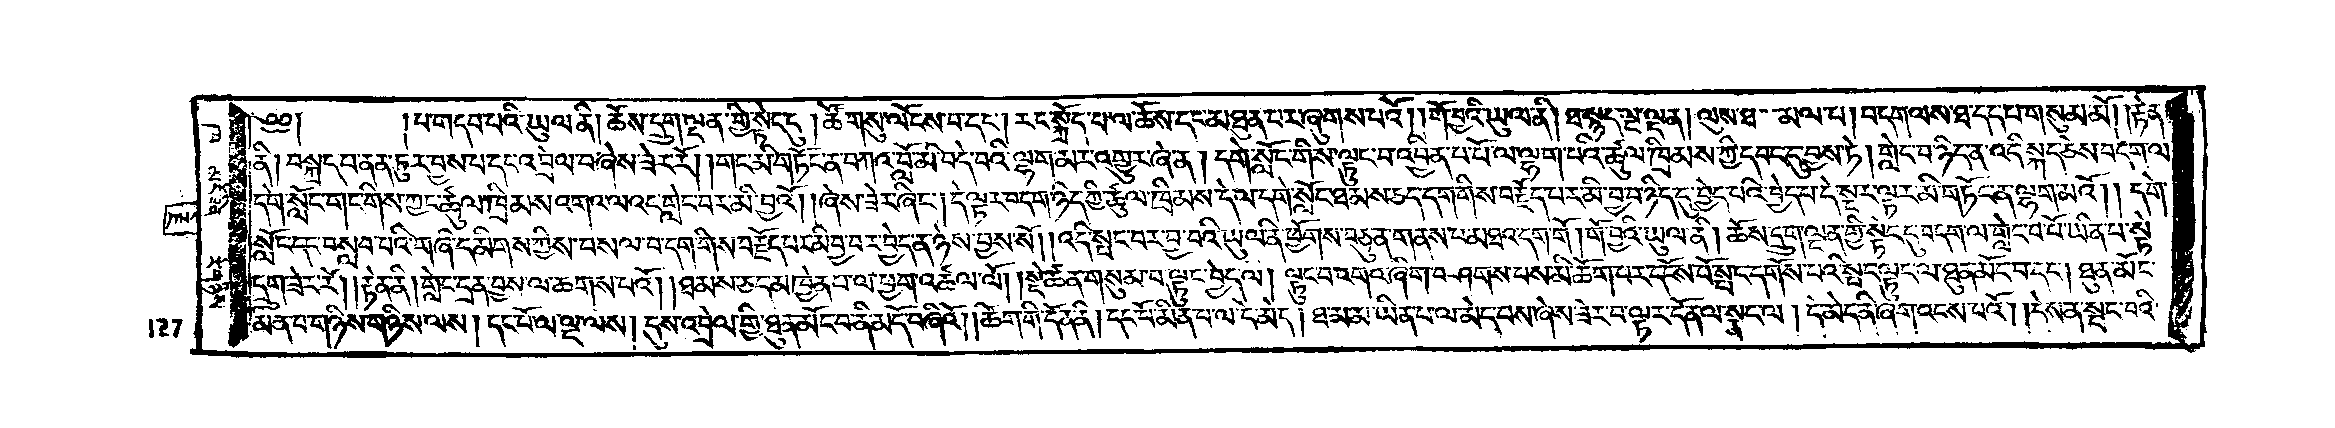༄༅། །པ་གདབ་པའི་ཡུལ་ནི། ཆོས་དྲུག་ལྡན་གྱི་སྟེང་དུ། ཚོགས་སུ་ལོངས་བ་དང་། རང་སྐྲོད་པ་ལ་ཆོས་དང་མཐུན་པར་ཞུགས་པའོ། །གོ་བྱའི་ཡུལ་ནི། ཐ་སྙད་ལྔ་ལྡན། ལུས་ཐ་མལ་པ། བད་གླས་ཐ་དད་པ་གསུམ་མོ། །རྟེན་
ནི༑ བསྐྲད་པ་ནན་ཏུར་བྱས་པ་དང་འབྲེལ་བ་ཞེས་ཟེར་རོ། །གང་མི་གཏོང་ན་བཀའ་བློ་མི་བདེ་བའི་ལྷག་མར་འགྱུར་ཞེ་ན། དགེ་སློང་གིས་ལྟུང་བ་འབྱིན་པ་པོ་ལ་ལྷག་པའི་ཚུལ་ཁྲིམས་ཀྱི་དབང་དུ་བཡས་ཏེ། གླེང་བ་ཉིད་ན་འདི་སྐད་ཅེས་བདག་ལ་
དགེ་སློང་གང་གིས་ཀྱང་ཚུལ་ཁྲིམས་འགའ་ལའང་གླེང་བར་མི་བྱའོ། །ཞེས་ཟེར་ཞིང་། དེ་ལྟར་བདག་ཉིད་ཀྱི་ཚུལ་ཁྲིམས་དེ་ལ་དགེ་སློང་ཐམས་ཅད་དག་གིས་བརྗོད་པར་མི་བྱ་བ་ཉིད་དུ་བྱེད་པའི་བྱེད་པ་དེ་སྔར་ལྟར་མི་གཏོང་ན་ལྷག་མའོ། །དགེ་
སློང་དང་བསླབ་པའི་གཞི་དམིགས་ཀྱིས་བསལ་བ་དག་གིས་བརྗོད་པར་མི་བྱ་བར་བྱེད་ན་ཉེས་བྱས་སོ། །འདི་སྤང་བར་བྱ་བའི་ཡུལ་ནི་ཕྱོགས་བཙུན་གནས་པ་མཐའ་དག་གོ །གོ་བྱའི་ཡུལ་ནི། ཆོས་དྲུག་ལྡན་གྱི་སྟེང་དུ་བདག་ལ་གླེང་བ་ངོ་ཡིན་པ་སྟེ་
དྲུག་ཟེར་རོ། །རྟེན་ནི། གླེང་དྲན་བྱས་ལ་ཆགས་པའོ། །ཐམས་ཅད་མཁྱེན་པ་ལ་ཕྱག་འཚལ་ལོ། །སྡེ་ཆེན་གསུམ་པ་ལྟུང་བྱེད་ལ། ལྟུང་བ་འགའ་ཞིག་བཤགས་པས་མི་ཆོག་པར་དངོས་པོ་སྤང་དགོས་པའི་སྤང་ལྟང་ལ་ཐུན་མོང་བ་དང་། ཐུན་མོང་
མིན་པ་གཉིས་གཉིས་ལས། དང་པོ་ལ་ལྔ་ལས། དུས་འབྲེལ་གྱི་ཐུན་མོང་བ་ནི་མདོ་བཞིའི། །ཚིག་གི་དོན་ནི། དང་པོ་མིན་པ་ལ་དེ་མེད། ཐ་མ་མ་ཡིན་པ་ལ་མེད་པས་ཞེས་ཟེར་བ་ལྟར་དོན་ལ་སྣང་ལ། དེ་མེད་ནི་ཞག་འདས་པའོ། །དེས་ན་སྦང་བའི་